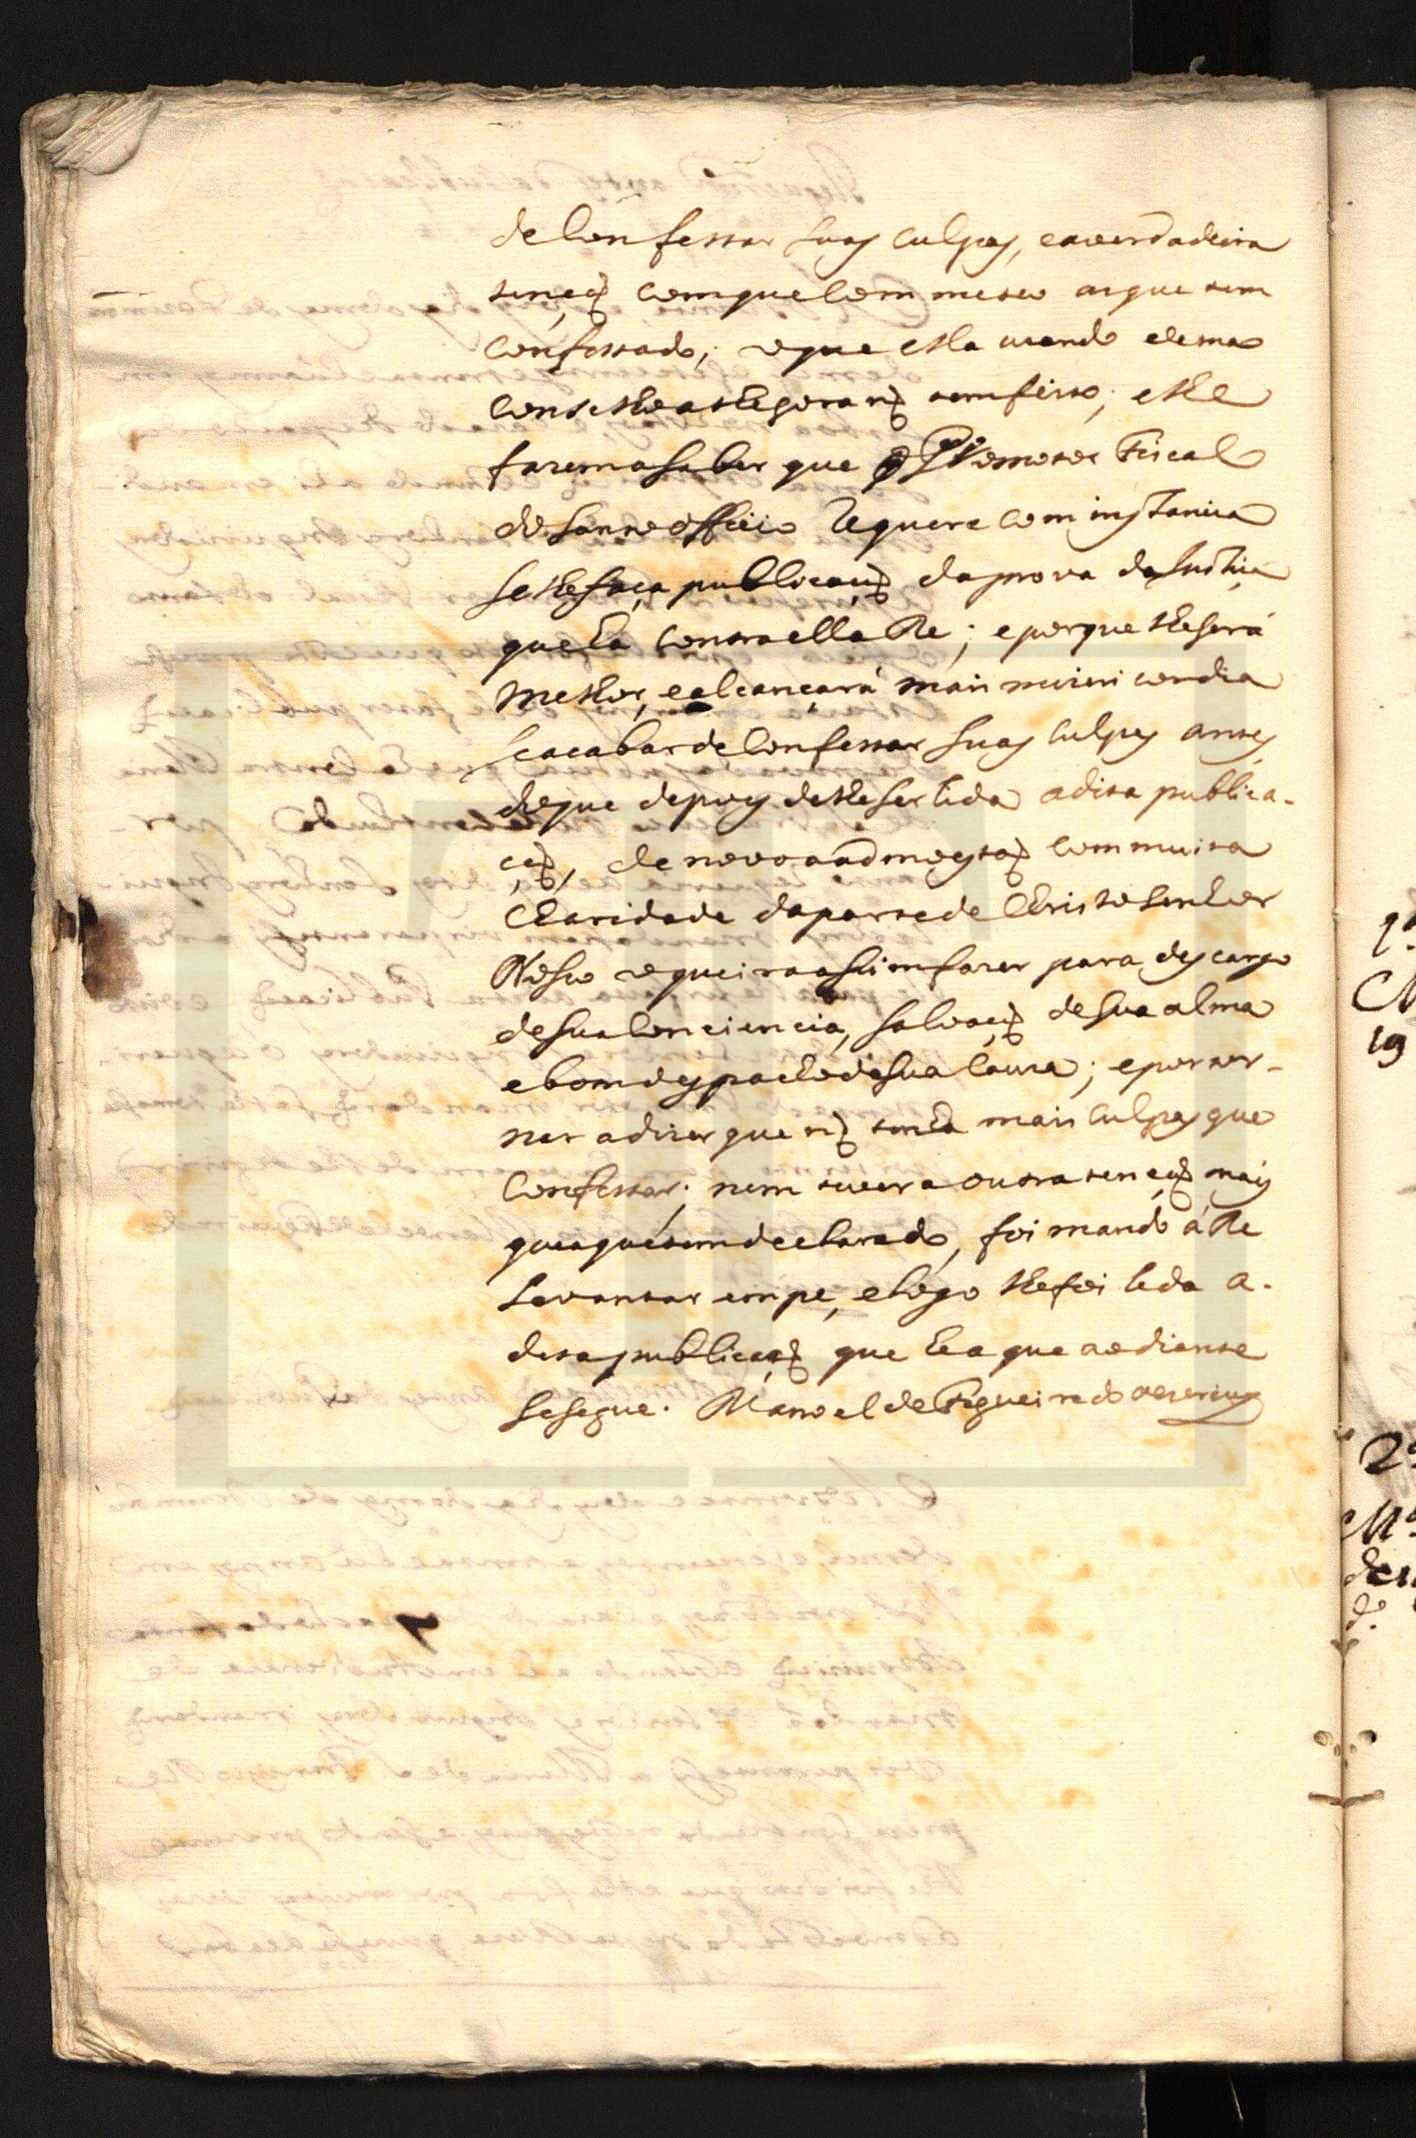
de Confessar suas culpas, e a verdadeira
tençaõ com que commeteo as que tem
confessado, o que ella uzando de mao
conselho athe gora nõ tem feito; e lhe
fazem a saber que o Promotor Fiscal
do santo officio Requere com instancia
se lhe faça publicaçaõ da prova de Iustiça
que ha contra ella Re; e porque lhe será
melhor, e alcançara mais mizericordia
se acabar de Confessar suas culpas antes
do que depois de lhe ser lida a dita publica
çaõ, de novo a admoestaõ com muita
charidade da parte de Christo senhor
Nosso o queira assim fazer para descargo
de sua conciencia, salvaçaõ de sua alma
e bom despacho de sua cauza; e por tor
nar a dizer que nõ tinha mais culpas que
Confessar; nem tivera outra tençaõ mais
que o que tem declarado, foi mando á Re
Levantar em pe, e logo lhe foi lida a
dita publicaçaõ que he a que aodiante
se segue. Manoel de Figueiredo o escreuy
